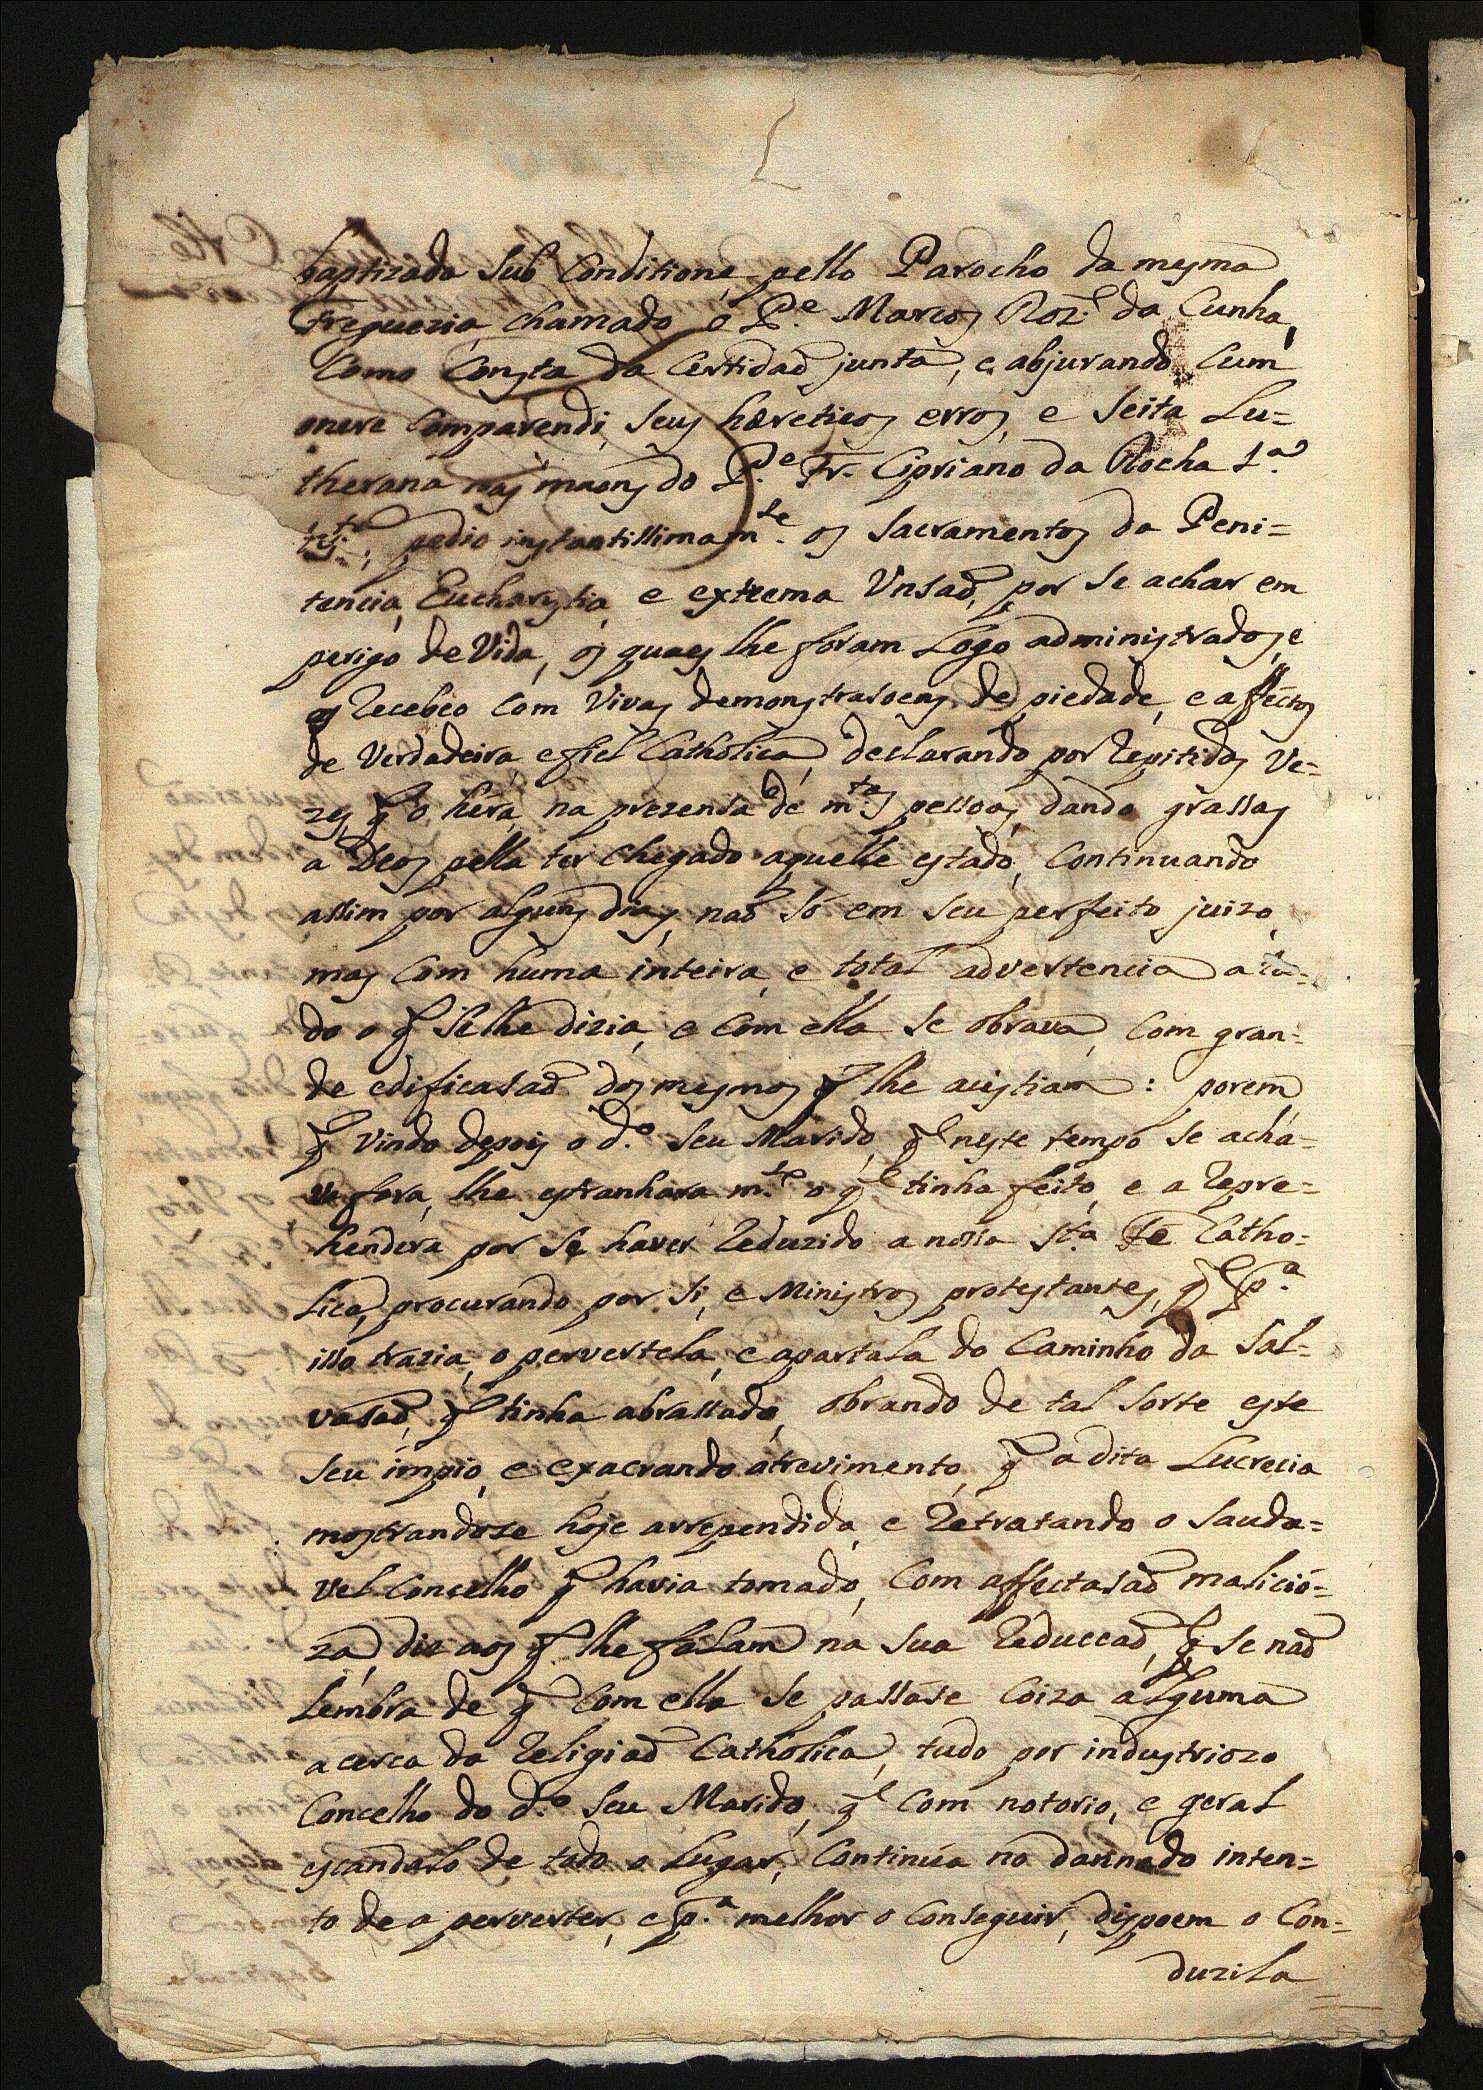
baptizada sub Conditione, pello Parocho da mesma
Freguezia, chamado o P.e Marcos Roz̄. da Cunha,
Como consta da Certidaõ junta, e abjurando Cum
onere Comparendi, seus hereticos erros, e seita Lu
therana na maons do P.e Fr. Cipriano da Rocha 1.a
tes.ta; pedio instantissimam.te os sacramentos da Peni
tencia, Eucharistia, e extrema Vnsaõ, por se achar em
perigo de Vida, os quaes lhe foram Logo administrados, e
os Recebeo com vivas demonstrasoens de piedade, e affectos
de verdadeira e fiel Catholica, declarando por Repitidas ve
zes, q̄ o hera, na prezensa de m.tas pessoas, dando grassas
a Deos pella ter chegado aquelle estado, continuando
assim por alguns dias, naõ só em seu perfeito juizo,
mas Com huma inteira, e total advertencia a
do o q̄ selhe dizia, e com ella se obrava, Com gran
de edificasaõ dos mesmos q̄ lhe acistiam: porem
q̄ vindo depois o d.o seu Marido, q̄ neste tempo se acha
va fora, lhe estranhara m.to o q̄ tinha feito, e a Repre
hendera por se haver Reduzido a nossa St.a Fé Catho
Lica, procurando por si, e Ministros protestantes, q̄ p.a
isso trazia, o pervertela, e apartala do Caminho da sal
vasaõ, q̄ tinha abrassado, obrando de tal sorte este
seu ímpio, e exacrando atrevimento, q̄ a dita Lucrecia
mostrandose hoje arrependida, e Retratando o sauda
vel concelho q̄ havia tomado, Com affectasão malicio
za, diz aos q̄. lhe falam na sua Reduccaõ, q̄ se não
Lembra de q̄ Com ella se passáse coiza alguma
acerca da Religião Catholica, tudo por industriozo
Concelho do d.o seu Marido, q̄ com notorio, e geral
escandalo de todo o Lugar, Continúa no dannado inten
to de a perverter, e p.a melhor o Conseguir dispoem o Con
duziLa
